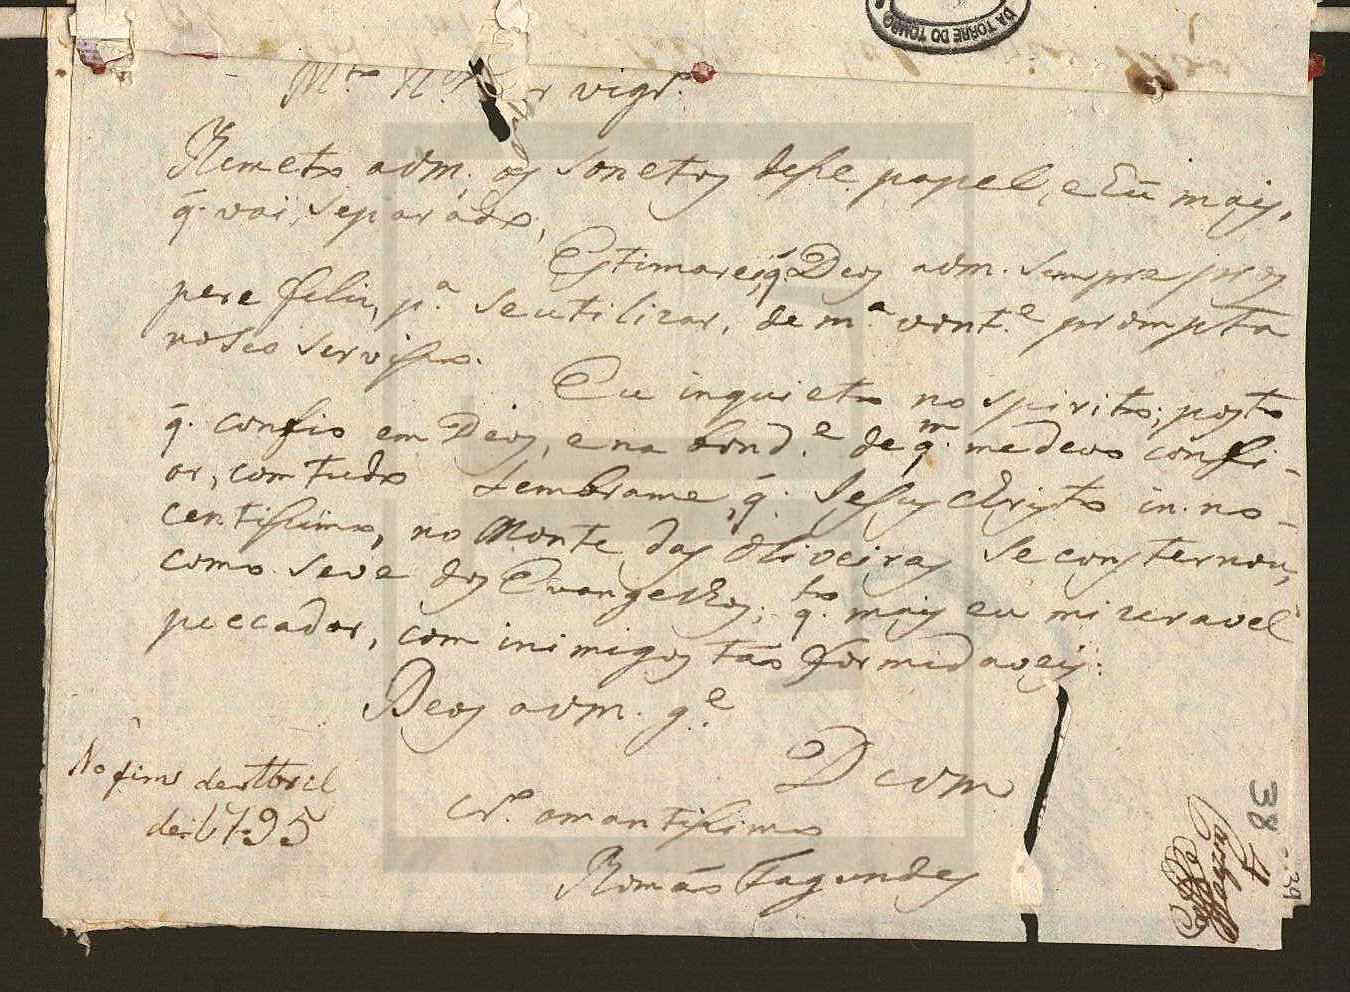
M.to ____ vigar.o
Remeto a v m. os Sonetos desse papel, e hū mais
q̄ vai separado
Estimarei q̄ Deos a vm. sempre pros
pere feliz p.a se utilizar, de m.a vont.e prompta
no seo servisso. Eu inquieto no spirito; posto
q̄ confio em Deos, e na bond.e q.m me devo confi
ar, comtudo Lembrame, q̄ Iesus christo in. no
centissimo, no monte das Oliveiras se consternou;
como se ve dos Evangelhos; q.to mais eu mizeravel
peccador, com inimigos taõ formidaveis.
Deos a v m. g.e
No fim de Abril
de 1799
De vm
cr.o amantissimo
Romaõ Fagundes
